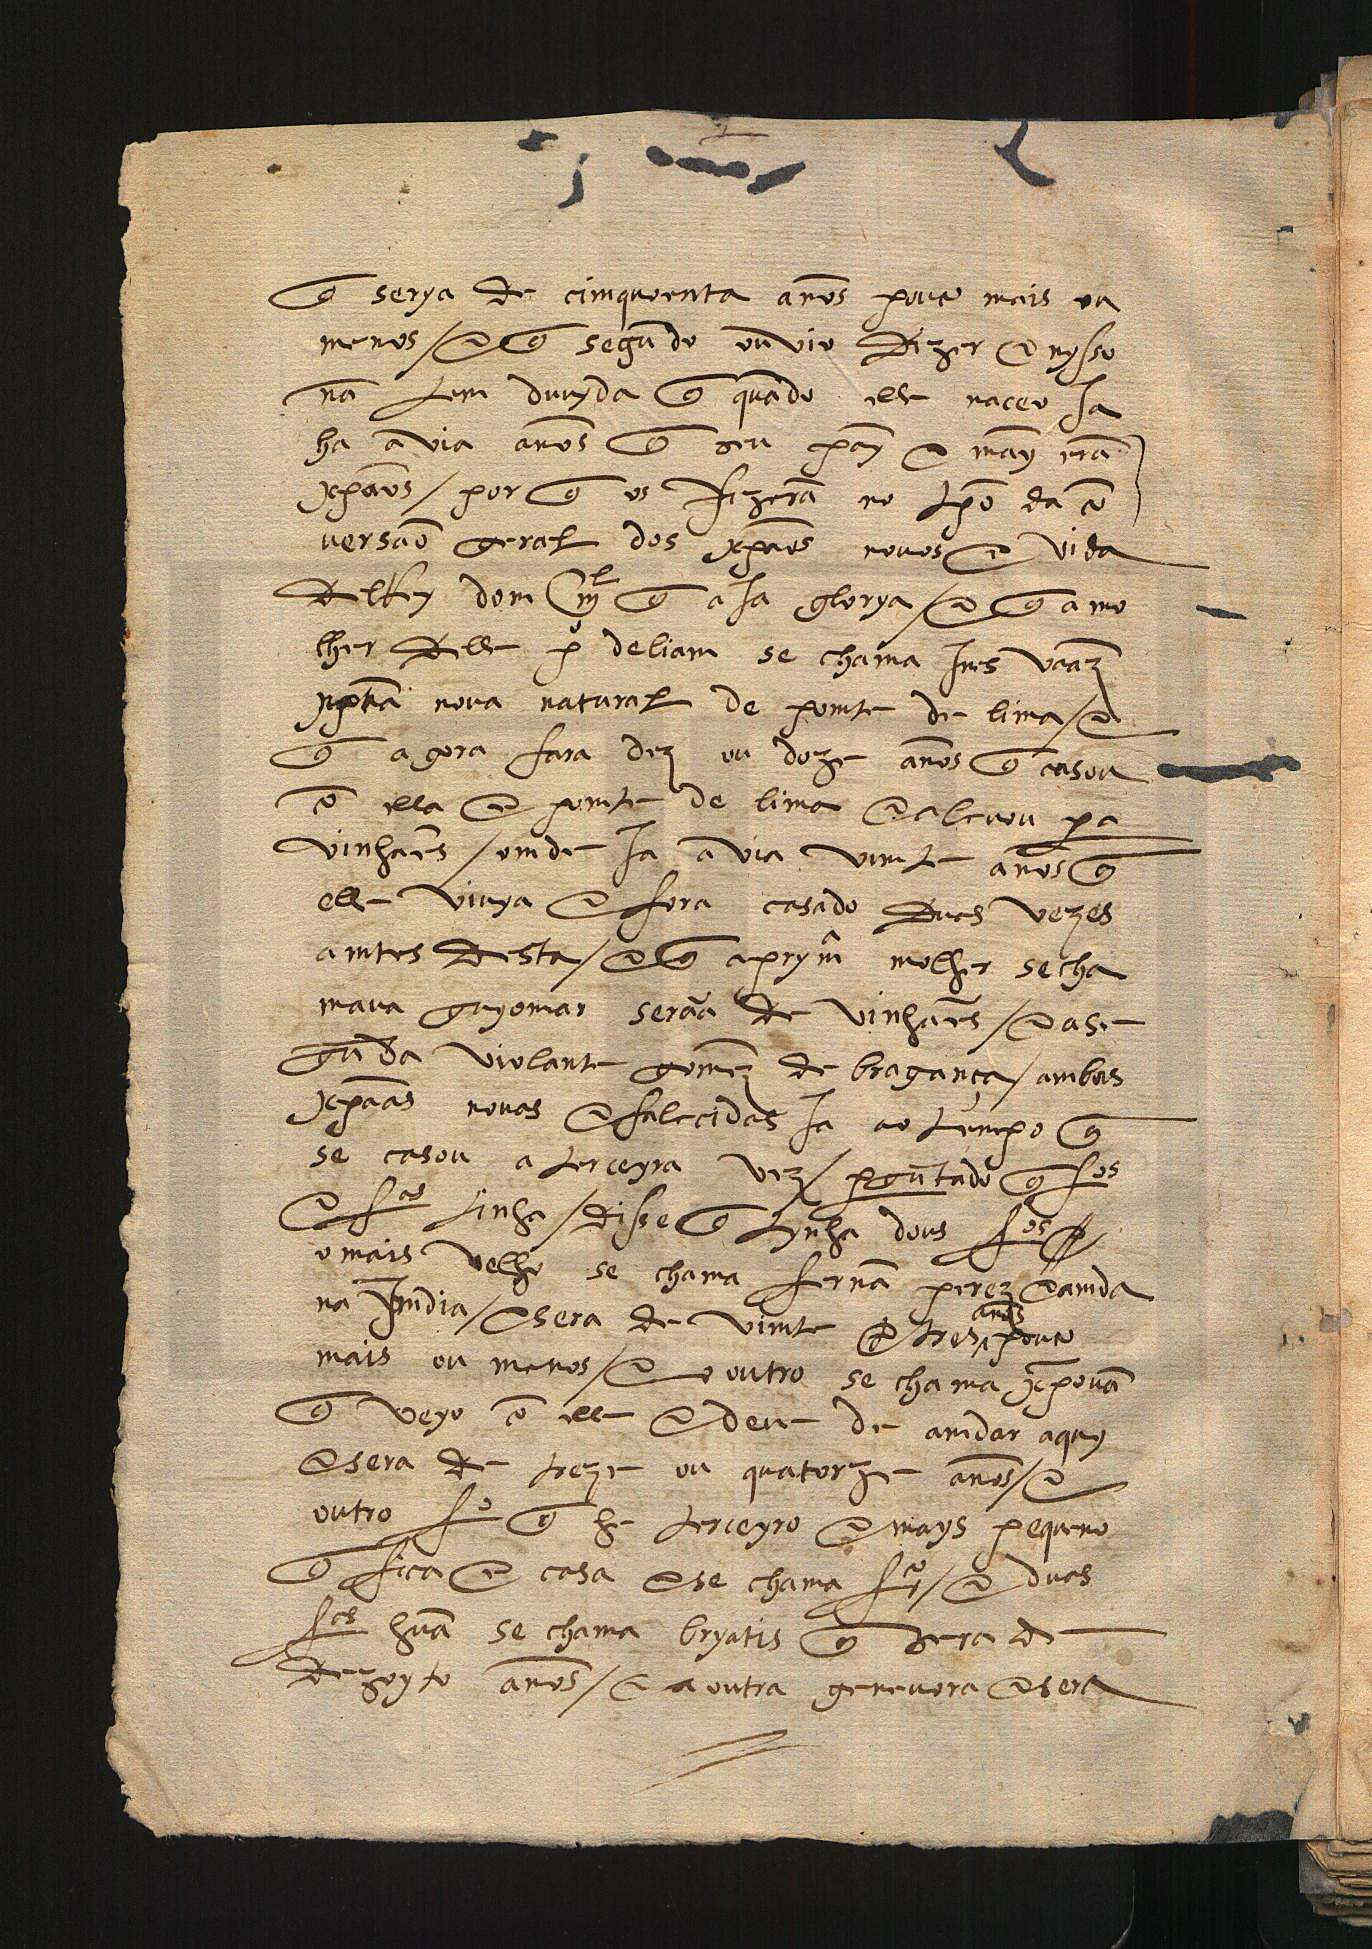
q̄ serya de cimquoenta an̄os pouco mais ou
menos / e q̄ segūdo ouvio Dizer e nysso
n̄a tem duuyda q̄ qūado elle naceo Ja
ha avia anos q̄ seu pāy e mãy er̄a
xpãoāos / por q̄ os fizerā no tp̄o d̄acō
uersão geral dos xpãoaos uovos ē vida
del Rey dom mel q̄ aJa glorya / e q̄ a mo
lher delle po de liam se chama Jnes vāaz
xpāa noua naturaL de pomte de lima / e
q̄ agora fara dez ou doze an̄os q̄ casou
c̄o ella ē pomte de lima e a levou ꝑa
vinhaēs / omde Ja avia vimte an̄os q̄
elle viuya e fora casado Duas vezes
amtes Desta / e q̄ a pryma molher se cha
maua guyomar serāa de vinhaēs / e a se
ḡuda violante gom̄ez de bragança / ambas
xp̄aas nouas e falecidas Ja ao tempo q̄
se casou a terceyra vez / ꝑgūtado q̄ fos
e fas tinha / disse q̄ tynha dous fos e
o mais velho se chama fernã perez e amda
na Jmdia / e sera de vimte e tres
an̄os
pouco
mais ou menos / e o outro se chama x̄pouā
q̄ veyo c̄o elle e deue de amdar aquy
e sera de treze ou quatorze ānos / e
outro fo q̄ he terceyro e mays pequeno
q̄ fica ē casa e se chama frco / e duas
fas hūa se chama bryatis q̄ sera de
dezoyto ānos / e a outra geneuora e sera
